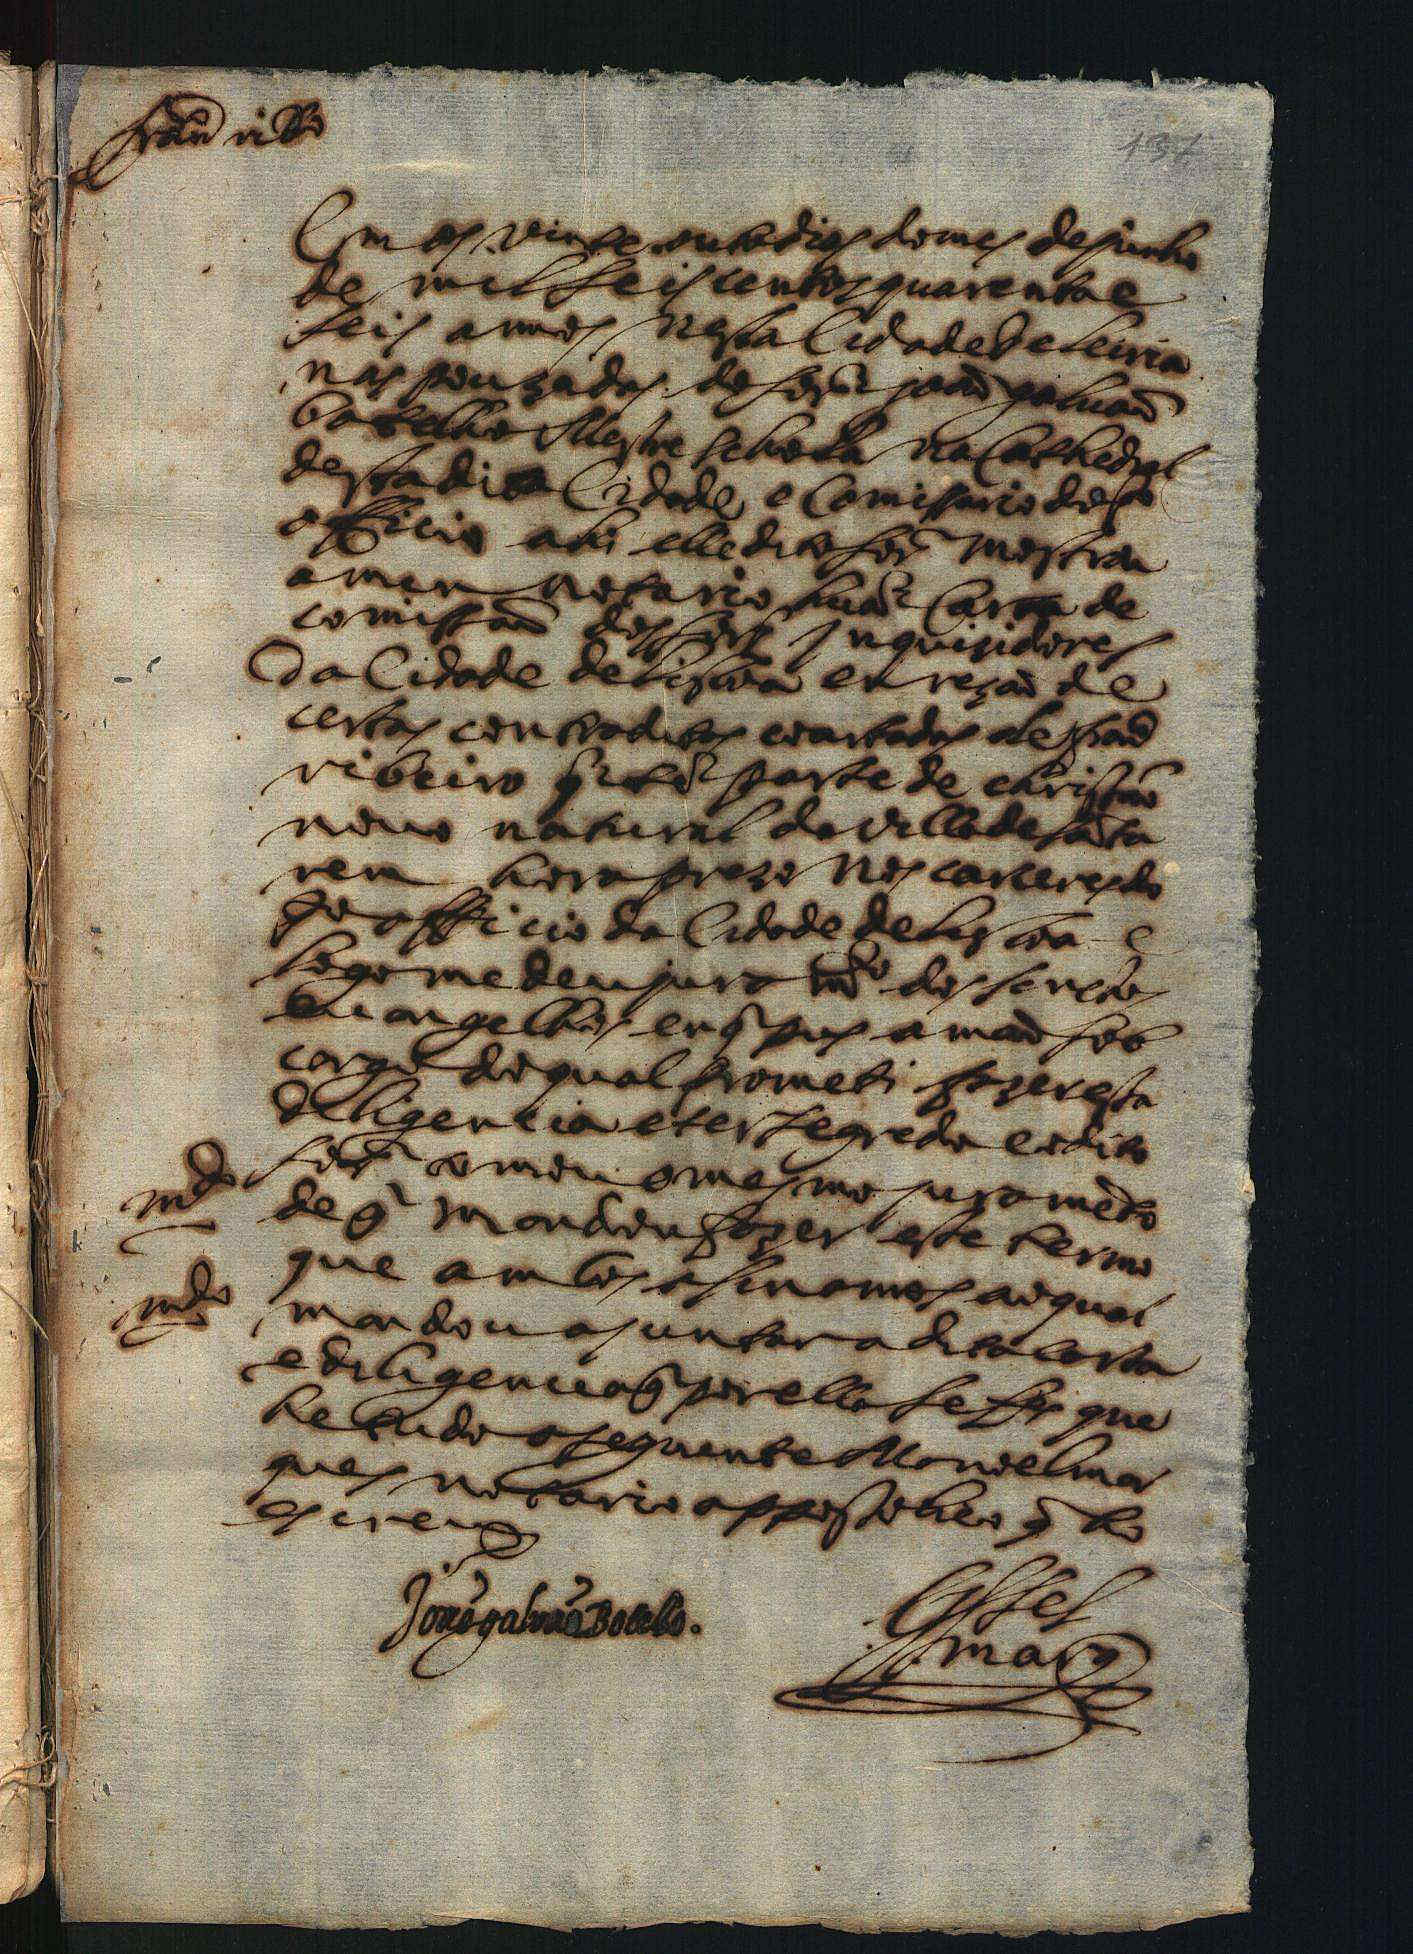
Em os vinte outo dias do mes de junho
de mil seiscentos quarenta e
seis annos nesta Cidade de Leiria
nas pousadas do sor̄ joaõ galuaõ
botelho Mestre schola na Cathedral
desta dita Cidade e Comissario do sto
officio ahi elle dito sor̄ mostrou
a meu notario huā Carta de
comissaõ dos sors̄ jnquisidores
da Cidade de lisboa em rezaõ de
certas contraditas coartadas de franco
ribeiro q̄ tē parte de christaõ
nouo natural de villa de sāta
rem hora prezo nos carceres do
sto officio da Cidade de Lisboa e
logo me deu juramto dos sanctos
euangelhos em q̄ pos a maõ sob
cargo do qual prometi fazer esta
deligencia e ter segredo e o dito
sor̄ tomou o mesmo juramēto
de q̄ mandou fazer este termo
que ambos asenamos ao qual
mandou ajuntar a dita carta
e diligencia q̄ por elle se fes que
he tudo o seguinte Manoel mar
ques notario appostolico q̄ ho
escreuj
franco ribro
mdo
mdo
